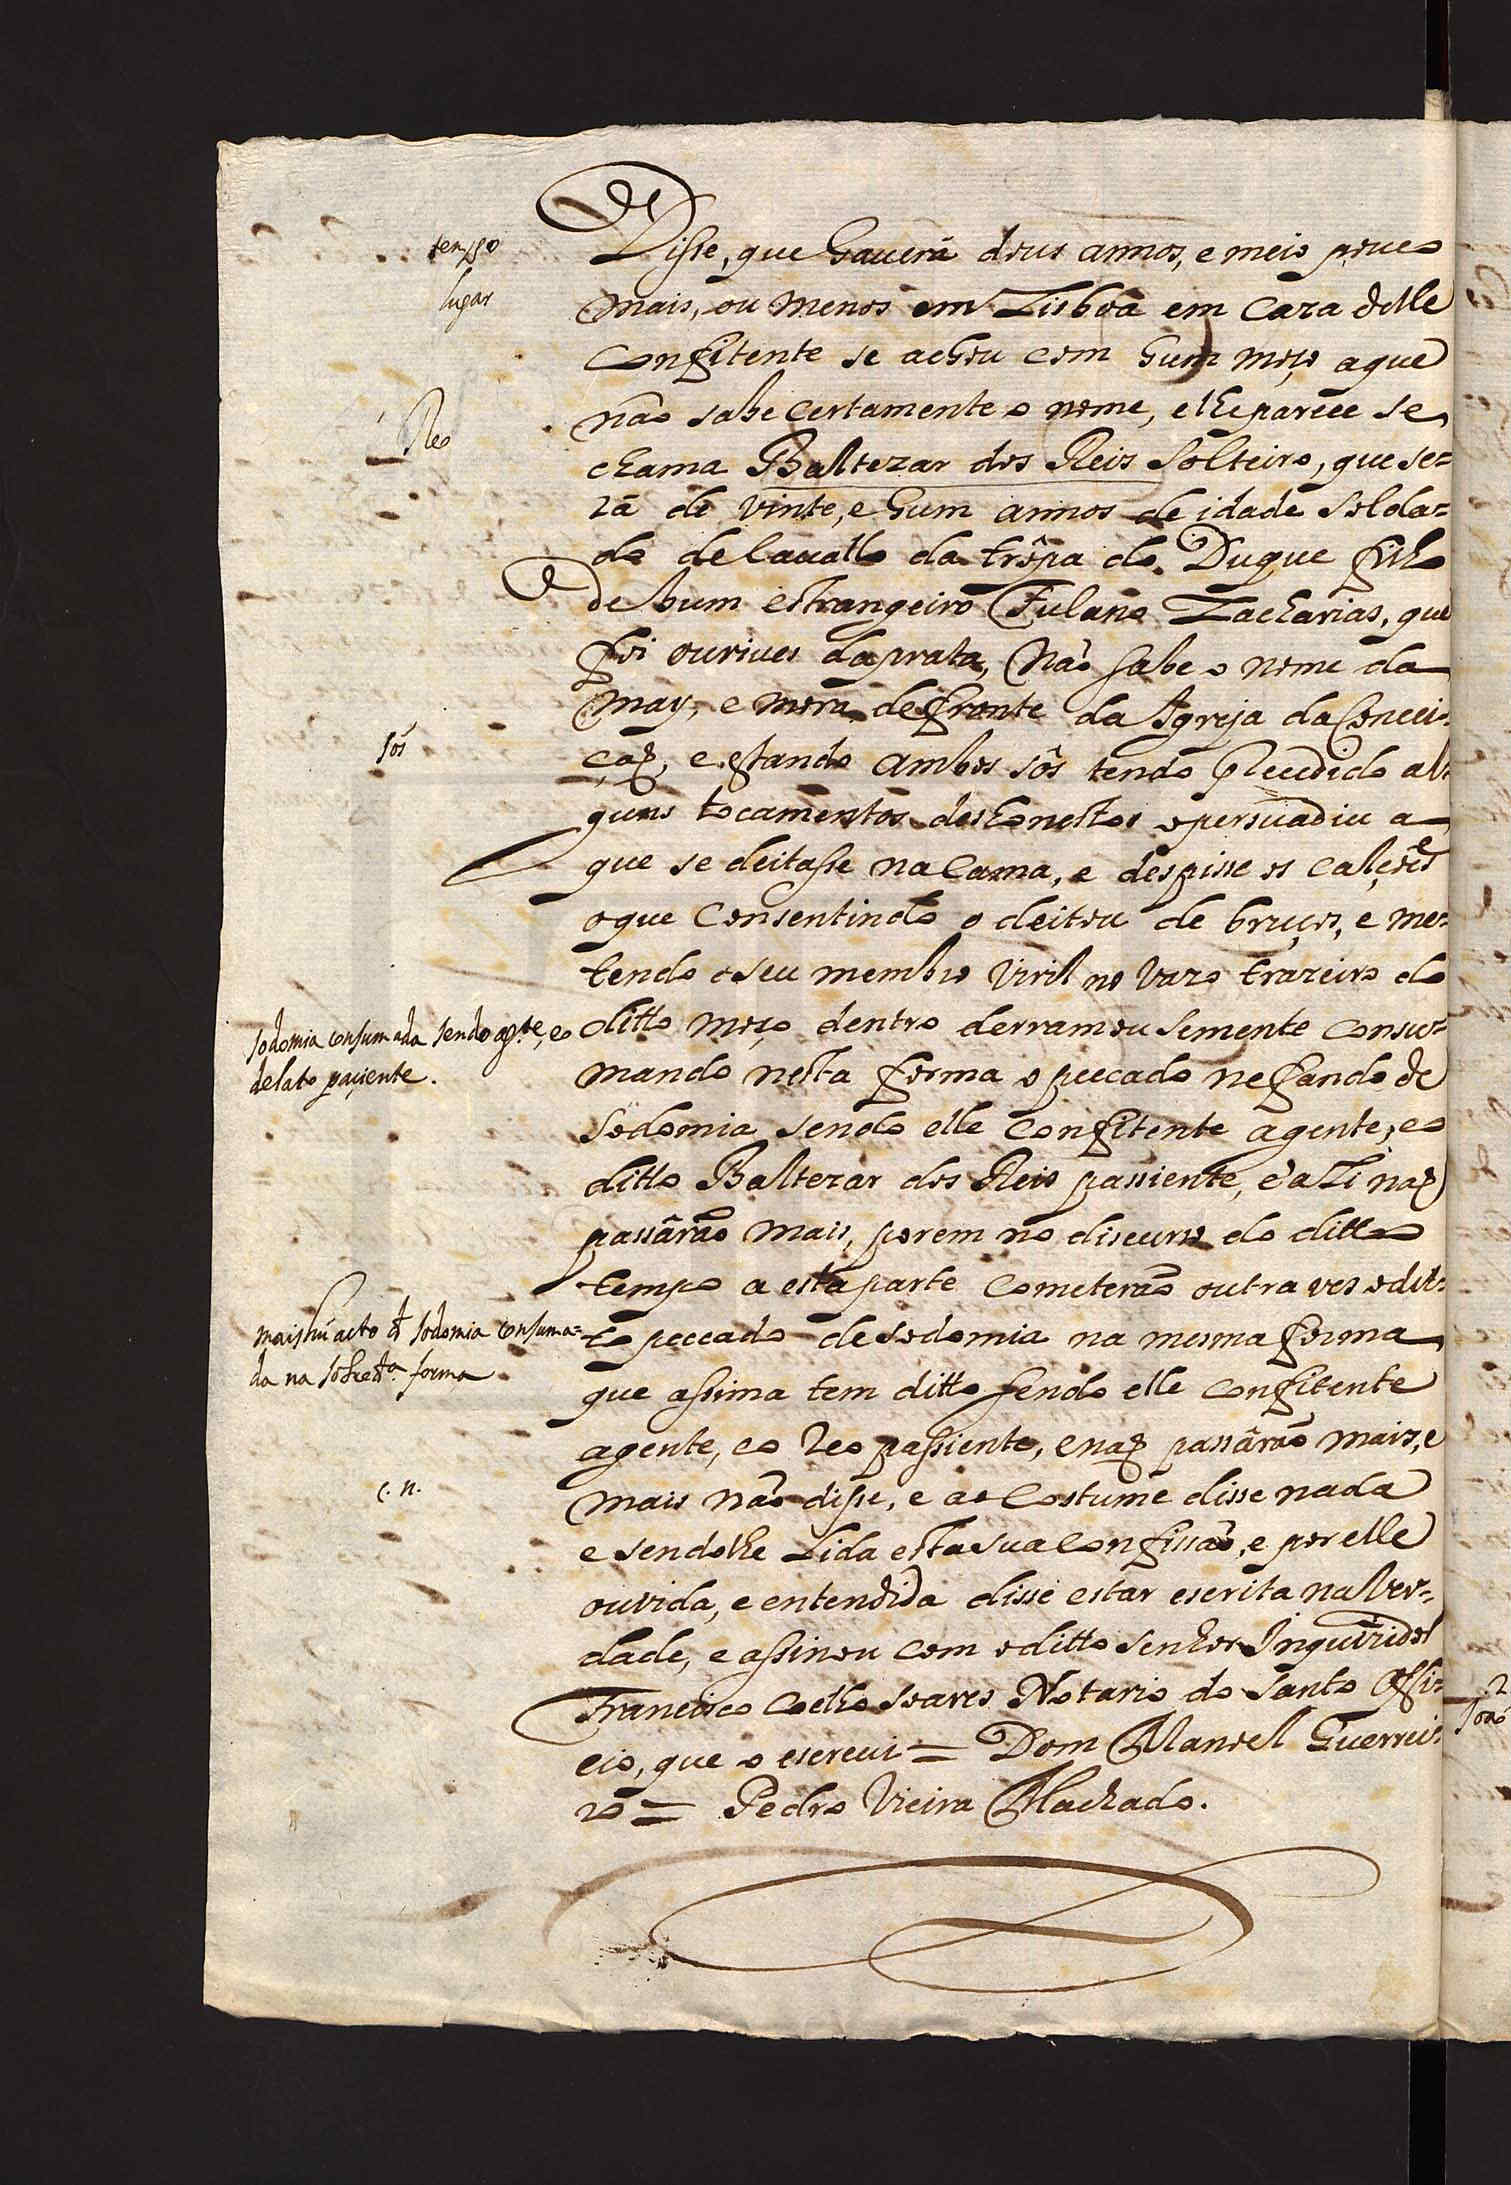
Disse, que hauerá dous annos, e meio pouco
mais, ou menos em Lisboa em caza delle
confitente se achou com hum moço a que
não sabe certamente o nome, e lhe parece se
chama Baltezar dos Reis solteiro, que se
rá de vinte, e hum annos de idade solda
do de Cauallo da tropa do Duque filho
de hum estrangeiro Fulano Zacharias, que
foi ouriues da prata, naõ sabe o nome da
may, e mora defronte da Igreja da Concei
çaõ, e estando ambos sós tendo precedido al
guns tocamentos deshonestos o persuadiu a
que se deitasse na cama, e despisse os calçoẽs
o que consentindo o deitou de bruços, e me
tendo o seu membro viril no vazo trazeiro do
ditto moço dentro derramou semente consu
mando nesta forma o peccado nefando de
sodomia sendo elle confitente agente, e o
ditto Baltezar dos Reis passiente, e aLi naõ
passárão mais, porem no discurso do ditto
tempo a esta parte cometeraõ outra ves o dit
to peccado de sodomia na mesma forma
que assima tem ditto sendo elle confitente
agente, e o Reo passiente, e naõ passáraõ mais, e
mais naõ disse, e ao costume disse nada
e sendolhe Lida esta sua confissaõ, e por elle
ouvida, e entendida disse estar escrita na Ver
dade, e assinou com o ditto senhor Inquizidor
Francisco Coelho soares Notario do Santo Offi
cio, que o escreui = Dom Manoel Guerrei
ro = Pedro Vieira Machado.
tempo
lugar
Reo
sós
sodomia consumada sendo ag.te, e o
delato paciente.
mais hū acto d̄ sodomia consuma
da na sobred̄.a forma.
c. n.
